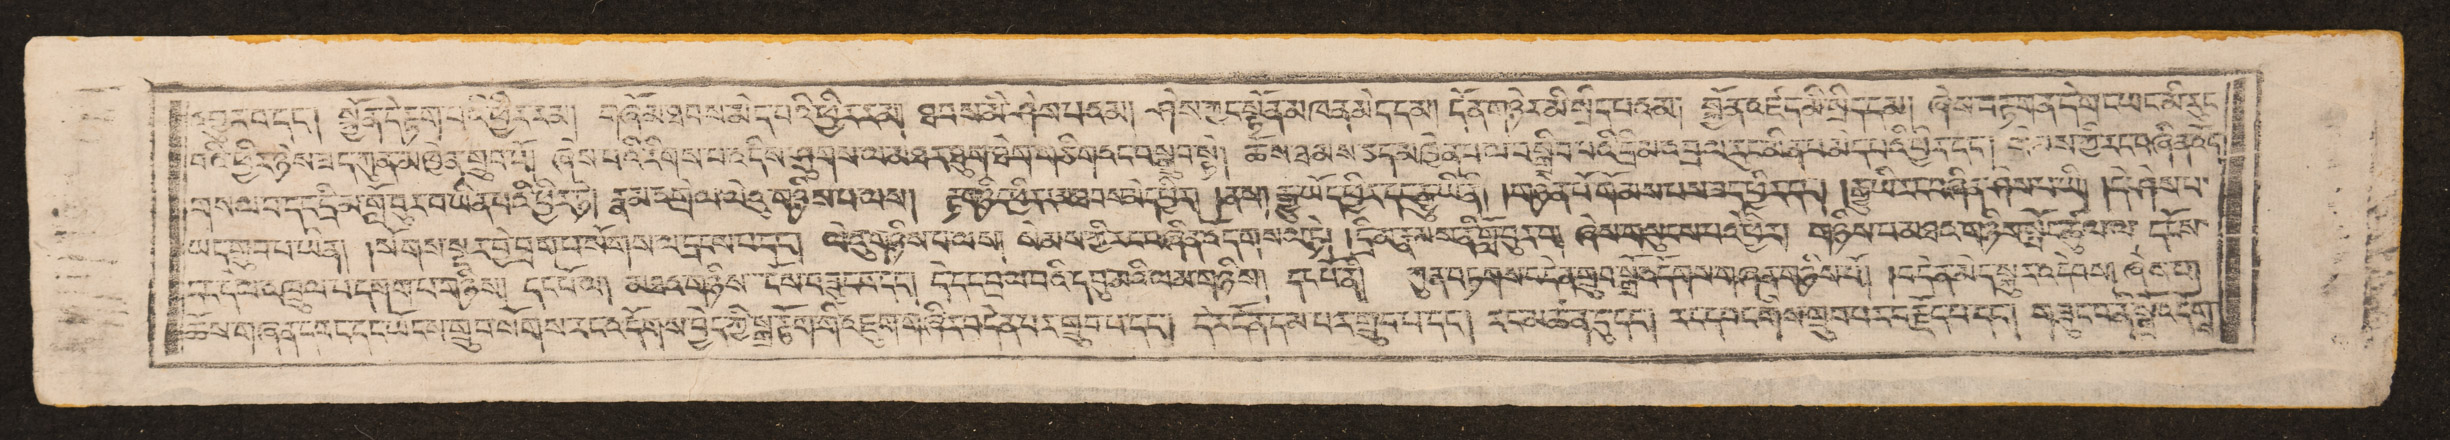འགྱུར་བ་དང་། སྐྱོན་དེ་རྟག་པའི་ཕྱིར་རམ། གཞོམ་ཐབས་མེད་པའི་ཕྱིར་རམ། ཐབས་མི་ཤེས་པའམ། ཤེས་ཀྱང་སྟོན་མཁན་མེད་དམ། དོན་གཉེར་མི་སྲིད་པའམ། སྐྱོན་འཛད་མི་སྲིད་དམ། ཞེས་བརྟག་ན་དེ་གང་ཡང་མི་རུང་
བའི་ཕྱིར་ཉེས་ཟད་ཀུན་མཁྱེན་གྲུབ་པོ། ཞེས་པའི་རིགས་པ་འདིས་ཤུགས་ལ་མཐར་ཐུས་ཐེག་གཅིག་འང་བསྒྲུབ་སྟེ། ཆོས་ཐམས་ཅད་མཁྱེན་པ་ལ་བསྒྲིབ་པའི་དྲི་མ་འབྲལ་རུང་མིན་པ་མེད་པའི་ཕྱིར་དང་། སེམས་ཀྱི་རང་བཞིན་འོད་
གསལ་བ་དང་དྲི་མ་གློ་བུར་བ་ཡིན་བའི་ཕྱིར་ཏེ། རྣམ་འགྲེལ་ལེའུ་གཉིས་པ་ལས། རྟག་ཉིད་ཕྱིར་རམ་ཐབས་མེད་ཕྱིར། །ནས། རྒྱུ་ཡོད་ཕྱིར་དང་རྒྱུ་ཡི་ནི། །གཉེན་པོ་གོམས་པས་ཟད་ཕྱིར་དང་། །རྒྱུ་ཡི་རང་བཞིན་ཤེས་པ་ཡི། །དེ་ཤེས་པ་
ཡང་གྲུབ་པ་ཡིན། །སོགས་སྔར་བྱེ་བྲག་པ་སོགས་ལ་དྲངས་པ་དང་། ལེའུ་གཉིས་པ་ལས། སེམས་ཀྱི་རང་བཞིན་འོད་གསལ་ཏེ། །དྲི་མ་རྣམས་ནི་གློ་བུར་བ། ཞེས་གསུངས་པའི་ཕྱིར། གཉིས་པ་མཐའ་གཉིས་སྤོང་ཚུལ་ལ། དངོས་
དང་དེ་ལ་འཁྲུལ་པ་དགག་པ་གཉིས། དང་པོ་ལ། མཐའ་གཉིས་ངོས་བཟུང་བ་དང་། དེ་དང་བྲལ་བའི་དབུ་མའི་ལམ་གཉིས། དང་པོ་ནི། ཀུན་བཏགས་བདེན་གྲུབ་སྒྲོ་འདོགས་གཞན་གཉིས་པོ། །བདེན་མེད་སྐུར་འདེབས། ཞེས་པ།
ཆོས་གཞན་དབང་དང་ཡོངས་གྲུབ་སོགས་རང་འདོགས་བྱེད་ཀྱི་སྒྲ་རྟོག་གི་འཇུག་གཞིར་བདེན་བར་གྲུབ་བ་དང་། དེར་དོན་དམ་པར་གྲུབ་པ་དང་། རང་མཚན་དུ་དང་། རང་དབང་གིས་གྲུབ་པར་བརྗོད་པ་དང་། གཟུང་བ་ནི་སྒྲོ་འདོགས་